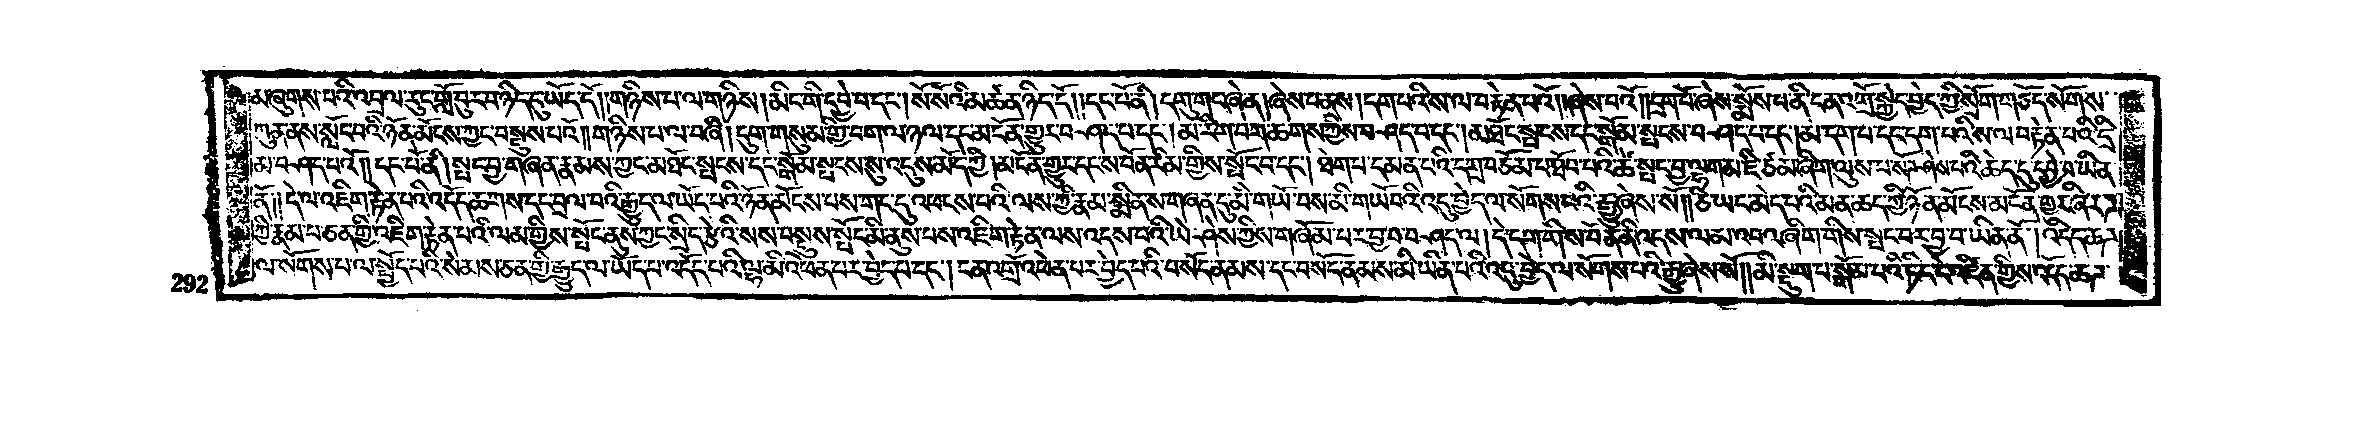མ་ཞུགས་པའི་འབྲལ་རུང་གློ་བུར་བ་ཉིད་དུ་ཡོད་དོ། །གཉིས་པ་ལ་གཉིས། མིང་གི་དབྱེ་བ་དང་། སོ་སོའི་མཚན་ཉིད་དོ། །དང་པོ་ནི། དགུ་གང་ཞེ་ན། ཞེས་པ་ནས། དག་པའི་ས་ལ་བརྟེན་པའོ། །ཞེས་པའོ། །དྲག་པོ་ཞེས་སྨོས་པ་ནི་ངན་འགྲོ་སྐྱེད་བྱེད་ཀྱི་སྲོག་གཅོད་སོགས་
ཀུན་ནས་སློང་བའི་ཉོན་མོངས་ཀྱང་བསྡུས་པའོ། །གཉིས་པ་ལ་བཞི། དུག་གསུམ་གྱི་བག་ལ་ཉལ་དང་མངོན་གྱུར་བཤད་པ་དང་། མ་རིག་བག་ཆགས་ཀྱིས་བཤད་པ་དང་། མཐོང་སྤངས་དང་སྒོམ་སྤངས་བཤད་པ་དང་། མ་དག་པ་དང་དག་པའི་ས་ལ་བརྟེན་པའི་དྲི་
མ་བཤད་པའོ། །དང་པོ་ནི། སྤང་བྱ་གཞན་རྣམས་ཀྱང་མཐོང་སྤངས་དང་སྒོམ་སྤངས་སུ་འདུས་མོད་ཀྱི། མངོན་གྱུར་དང་ས་བོན་རིམ་གྱིས་སྤོང་བ་དང་། ཐེག་པ་དམན་པའི་དགྲ་བཅོམ་པ་ཐོབ་པའི་ཚེ་སྤང་བྱ་ལྷག་མ་ཇི་ཙམ་ཞིག་ལུས་པ་སོགས་ཤེས་པའི་ཆེད་དུ་དབྱེ་བ་ཡིན་
ནོ༑ ༑དེ་ལ་འཇིག་རྟེན་པའི་འདོད་ཆགས་དང་བྲལ་བའི་རྒྱུད་ལ་ཡོད་པའི་ཉོན་མོངས་པས་གང་དུ་འཕངས་པའི་ལས་ཀྱི་རྣམ་སྨིན་ས་གཞན་དུ་མི་གཡོ་བས་མི་གཡོ་བའི་འདུ་བྱེད་ལ་སོགས་པའི་རྒྱུ་ཞེས་སོ། །ཅི་ཡང་མེད་པའི་མན་ཆད་ཀྱི་ཉོན་མོངས་མངོན་གྱུར་ཞི་རགས་
ཀྱི་རྣམ་པ་ཅན་གྱི་འཇིག་རྟེན་པའི་ལམ་གྱིས་སྤོང་ནུས་ཀྱང་སྲིད་རྩེའི་སས་བསྡུས་སྤོང་མི་ནུས་པས་འཇིག་རྟེན་ལས་འདས་པའི་ཡེ་ཤེས་ཀྱི་གཞོམ་པར་བྱ་བ་བཤད་ལ། དེ་དག་གི་ས་བོན་ནི་འདས་ལམ་འབའ་ཞིག་གིས་སྤང་བར་བྱ་བ་ཡིན་ནོ། འདོད་ཆགས་
ལ་སོགས་པ་ལ་སྤྱོད་པའི་སེམས་ཅན་གྱི་རྒྱུད་ལ་ཡོད་པ་འདོད་པའི་ལྷ་མི་འཕེན་པར་བྱེད་པ་དང་། ངན་འགྲོ་འཕེན་པར་བྱེད་པའི་བསོད་ནམས་དང་བསོད་ནམས་མི་ཡིན་པའི་འདུ་བྱེད་ལ་སོགས་པའི་རྒྱུ་ཞེས་སོ། །མི་སྡུག་པ་སྒོམ་པའི་ཏིང་ངེ་འཛིན་གྱིས་འདོད་ཆགས་